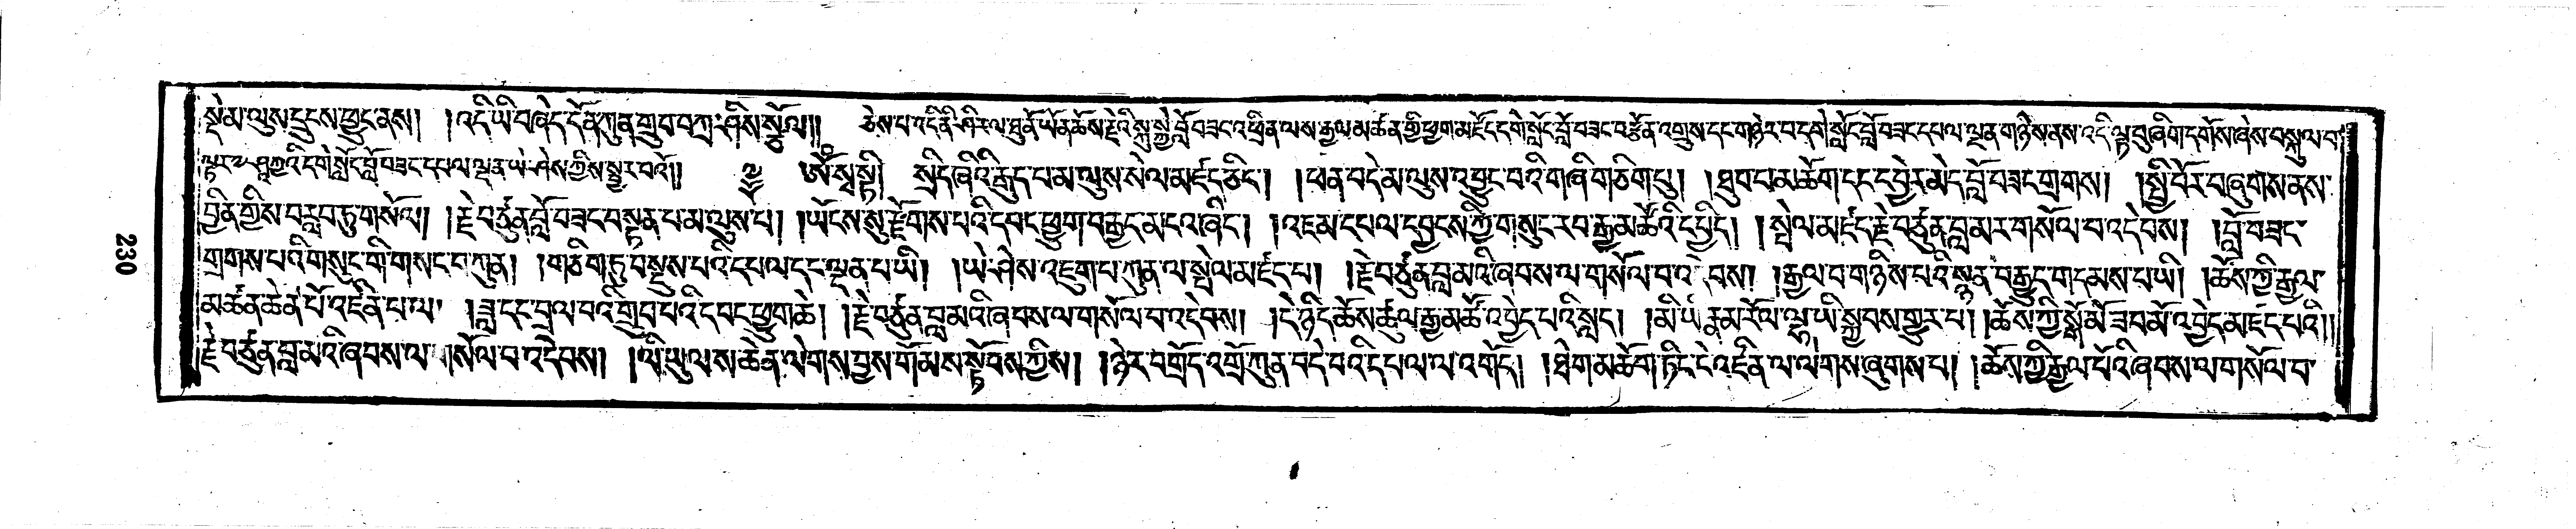སྡེ་མ་ལུས་དྲུངས་ཕྱུང་ནས། །འདི་ཡི་བཞེད་དོན་ཀུན་གྲུབ་བཀྲ་ཤིས་སྩོལ།། ཅེས་པ་འདི་ནི་ཤི་རལ་ཐུ་ནོ་ཡོན་ཆོས་རྗེའི་སྐུ་སྐྱེ་བློ་བཟང་འཕྲིན་ལས་རྒྱལ་མཚན་གྱི་ཕྱག་མཛོད་དགེ་སློང་བློ་བཟང་བརྩོན་འགྲུས་དང་གཉེར་བ་དགེ་སློང་བློ་བཟང་དཔལ་ལྡན་གཉིས་ནས་འདི་ལྟ་བུ་ཞིག་དགོས་ཞེས་བསྐུལ་བ་
ལྟར་༧་ཤཱཀྱའི་དགེ་སློང་བློ་བཟང་དཔལ་ལྡན་ཡེ་ཤེས་ཀྱིས་སྦྱར་བའོ།། ༈ ཨོཾ་སྭ་སྟི། སྲིད་ཞིའི་རྒུད་པ་མ་ལུས་སེལ་མཛད་ཅིང་། །ཕན་བདེ་མ་ལུས་འབྱུང་བའི་གཞི་གཅིག་པུ། །ཐུབ་པ་མཆོག་དང་དབྱེར་མེད་བློ་བཟང་གྲགས། །སྤྱི་བོར་བཞུགས་ནས་
བྱིན་གྱིས་བརླབ་ཏུ་གསོལ། །རྗེ་བཙུན་བློ་བཟང་བསྟན་པ་མ་ལུས་པ། །ཡོངས་སུ་རྫོགས་པའི་དབང་ཕྱུག་བརྒྱད་མངའ་ཞིང་། །འཇམ་དཔལ་དབྱངས་ཀྱི་གསུང་རབ་རྒྱ་མཚོའི་དཔྱིད། །སྤེལ་མཛད་རྗེ་བཙུན་བླ་མར་གསོལ་བ་འདེབས། །བློ་བཟང་
གྲགས་པའི་གསུང་གི་གསང་བ་ཀུན། །གཅིག་ཏུ་བསྡུས་པའི་དཔལ་དང་ལྡན་པ་ཡི། །ཡེ་ཤེས་འཇུག་པ་ཀུན་ལ་སྤེལ་མཛད་པ། །རྗེ་བཙུན་བླ་མའི་ཞབས་ལ་གསོལ་བ་འདེབས། །རྒྱལ་བ་གཉིས་པའི་སྙན་བརྒྱུད་གདམས་པ་ཡི། །ཆོས་ཀྱི་རྒྱལ་
མཚན་ཆེན་པོ་འཛིན་པ་ལ། །ཟླ་དང་བྲལ་བའི་གྲུབ་པའི་དབང་ཕྱུག་ཆེ། །རྗེ་བཙུན་བླ་མའི་ཞབས་ལ་གསོལ་བ་འདེབས། །དེ་ཉིད་ཆོས་ཚུལ་རྒྱ་མཚོ་འབྱེད་པའི་སླད། །མི་ཡི་རྣམ་རོལ་ལྷ་ཡི་སྐྱབས་གྱུར་པ། །ཆོས་ཀྱི་སྒོ་མོ་ཟབ་མོ་འབྱེད་མཛད་པའི།།
རྗེ་བཙུན་བླ་མའི་ཞབས་ལ་གསོལ་བ་འདེབས། །ལི་ཡུལ་ས་ཆེན་ལེགས་བྱས་གོམས་སྟོབས་ཀྱིས། །ཉེར་བགྲོད་འགྲོ་ཀུན་བདེ་བའི་དཔལ་ལ་འགོད། །ཐེག་མཆོག་ཏིང་ངེ་འཛིན་ལ་ལེགས་ཞུགས་པ། །ཆོས་ཀྱི་རྒྱལ་པོའི་ཞབས་ལ་གསོལ་བ་